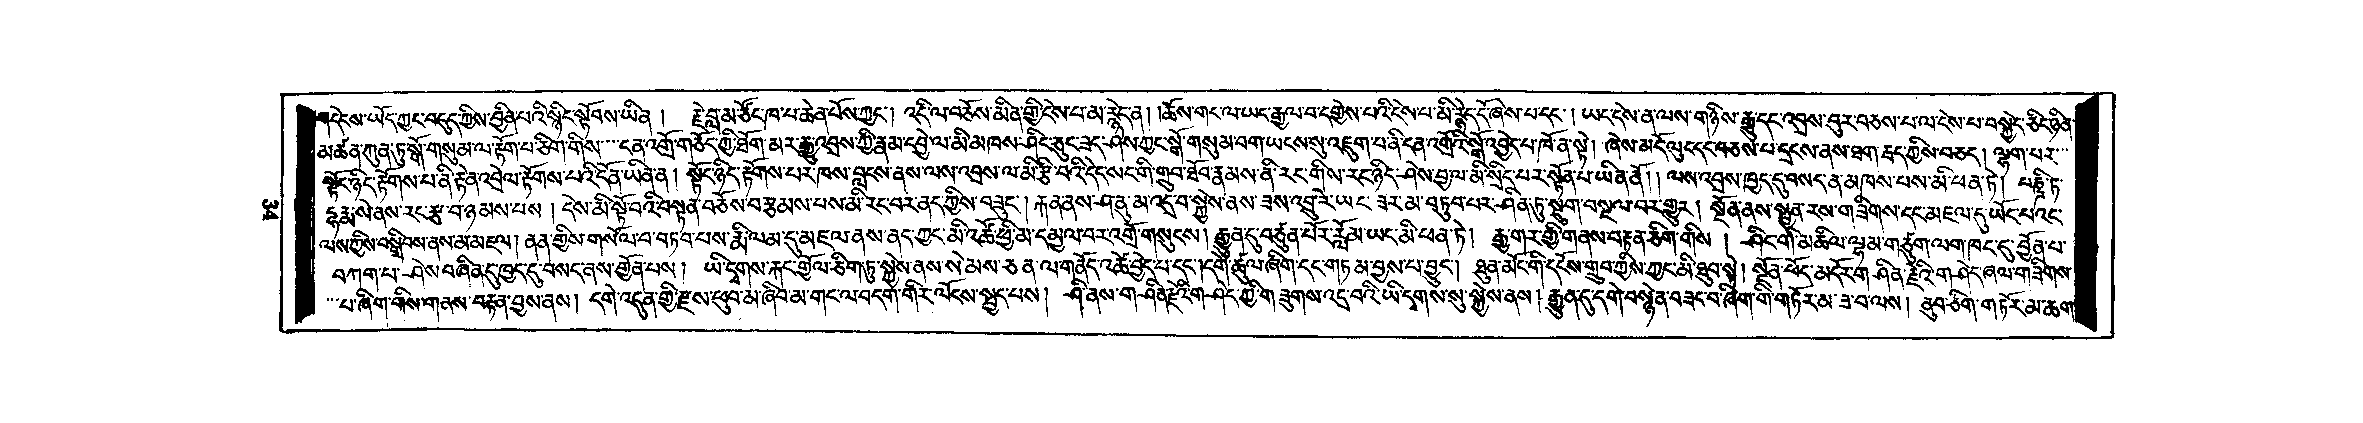གདེངས་ཡོད་ཀྱང་བདུད་ཀྱིས་བྱིན་པའི་སྙིང་སྟོབས་ཡིན། རྗེ་བླ་མ་ཙོང་ཁ་པ་ཆེན་པོས་ཀྱང་། འདི་ལ་བཅོས་མིན་གྱི་ངེས་པ་མ་རྙེད་ན། །ཆོས་གང་ལ་ཡང་རྒྱལ་བ་དགྱེས་པའི་ངེས་པ་མི་རྙེད་དོ་ཞེས་པ་དང་། ཡང་དེས་ན་ལས་གཉིས་རྒྱུ་དང་འབྲས་བུར་བཅས་པ་ལ་ངེས་པ་བསྐྱེད་ཅིང་ཉིན་
མཚན་ཀུན་ཏུ་སྒོ་གསུམ་ལ་རྟོག་པ་ཅིག་གིས་ངན་འགྲོ་གཅོད་ཀྱི་ཐོག་མར་རྒྱུ་འབྲས་ཀྱི་རྣམ་དབྱེ་ལ་མི་མཁས་ཤིང་ཅུང་ཟད་ཤེས་ཀྱང་སྒོ་གསུམ་བག་ཡངས་སུ་འཇུག་པ་ནི་ངན་འགྲོའི་སྒོ་འབྱེད་པ་ཁོ་ན་སྟེ། ཞེས་མདོ་ལུང་དང་བཅས་པ་དྲངས་ནས་ཐག་རྦད་ཀྱིས་བཅད། ལྷག་པར་
སྟོང་ཉིད་རྟོགས་པ་ནི་རྟེན་འབྲེལ་རྟོགས་པའི་དོན་ཡིན་ན། སྟོང་ཉིད་རྟོགས་པར་ཁས་བླངས་ནས་ལས་འབྲས་ལ་མི་རྩི་བའི་དེང་སང་གི་གྲུབ་ཐོབ་རྣམས་ནི་རང་གིས་རང་ཉིད་ཤེས་བྱ་ལ་མི་སྲིད་པར་སྟོན་པ་ཡིན་ནོ། །ལས་འབྲས་ཁྱད་དུ་བསད་ན་མཁས་པས་མི་ཕན་ཏེ། པཎྜི་ཏ་
དྷརྨ་སེ་ནས་རང་རྩ་བ་ཉམས་པས། དེས་མི་སྟོ་བའི་བསྟན་བཅོས་བརྩམས་པས་མི་རང་བར་ནད་ཀྱིས་བཟུང་། རྐན་ནས་ཤ་ནུ་མ་འདྲ་བ་སྐྱེས་ནས་ཟས་འབྲུ་རེ་ཡང་ཟར་མ་བཏུབ་པར་ཤིན་ཏུ་སྡུག་བསྔལ་བར་གྱུར། སྔོན་ནས་སྤྱན་རས་གཟིགས་དང་མཇལ་དུ་ཡོང་པའང་
ལས་ཀྱིས་བསྒྲིབས་ནས་མ་མཇལ། ནན་གྱིས་གསོལ་བ་བཏབ་པས་རྨི་ལམ་དུ་མཇལ་ནས་ནད་ཀྱང་མི་འཚོ་ཕྱི་མ་དམྱལ་བར་འགྲོ་གསུངས། རྒྱུན་དུ་བཙུན་པོར་རློམ་ཡང་མི་ཕན་ཏེ། རྒྱ་གར་གྱི་གནས་བརྟན་ཅིག་གིས། ཤིང་གི་མཆིལ་ལྷམ་གཙུག་ལག་ཁང་དུ་བྱོན་པ་
བཀག་པ་ཤེས་བཞིན་དུ་ཁྱད་དུ་བསད་ནས་གྱོན་པས། ཡི་དྭགས་རྐང་གྱོལ་ཅིག་ཏུ་སྐྱེས་ནས་སེམས་ཅན་ལ་གནོད་འཚེ་བྱེད་པ་དང་། དགེ་ཚུལ་ཞིག་དང་གཏམ་བྱས་པ་བྱུང་། ཐུན་མོང་གི་དངོས་གྲུབ་ཀྱིས་ཀྱང་མི་ཐུབ་སྟེ། སྔོན་ཕོད་མདོར་གཤིན་རྗེའི་གཤེད་ཞལ་གཟིགས་
པ་ཞིག་གིས་གནས་བརྟན་བྱས་ནས། དགེ་འདུན་གྱི་རྫས་ཕུབ་མ་ཞིབ་མ་གང་ལ་བདག་གིར་ལོངས་སྤྱད་པས། ཤི་ནས་གཤིན་རྗེའི་གཤེད་ཀྱི་གཟུགས་འདྲ་བའི་ཡི་དྭགས་སུ་སྐྱེས་ནས། རྒྱུན་དུ་དགེ་བསྙེན་བཟང་བ་ཞིག་གི་གཏོར་མ་ཟ་བ་ལས། ནུབ་ཅིག་གཏོར་མ་ཆག་